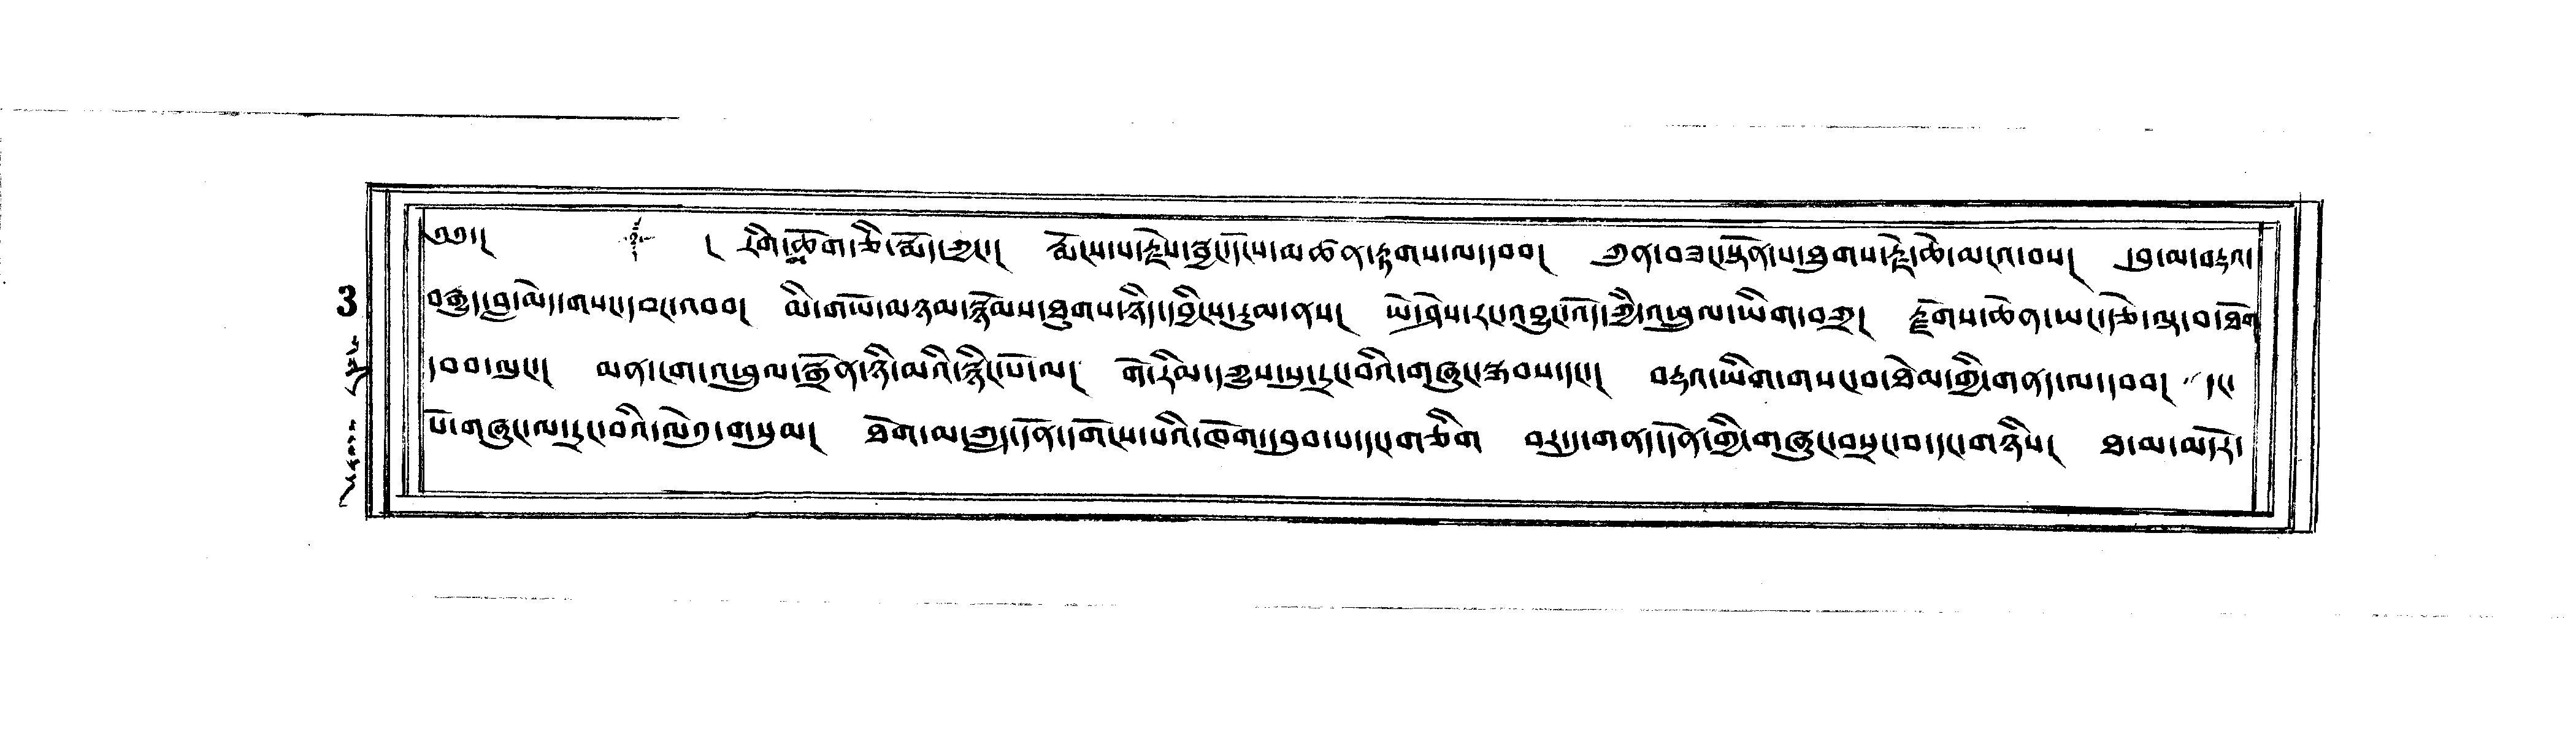རིག་མཆོག་ཅི་སྨོད་ཀྱང་། རྨོངས་པ་རྗེས་སྦྱང་དངོས་མཚན་རྟགས་ལ་དབབ། ཀུན་བཟང་སྟོན་པ་ཐུགས་རྗེ་ཆེ་མངའ་བས། དབུ་མ་བརྡ་
བརྒྱུད་བླ་མེད་གསང་དབང་འབབ། མི་གཡོ་མཉམ་སྙོམས་ཐུགས་ཉིད་དབྱིངས་རུམ་ནས། ཡེ་ཤེས་རང་འབྱུང་འོད་ཀྱི་འཕྲུལ་ཡིག་བཀྲ། རྫོགས་ཆེན་ཡང་རྩེ་ལྟ་བ་ཐོག་
དབབ་ལུང་། མན་ངག་འཕྲུལ་སྒྲོན་ཉི་མའི་སྙིང་པོ་ལ། གོ་རིམ་དཀྱུས་སུ་དྲང་བའི་གཞུང་སྐབས་དང་། བརྡའ་ཡིག་གསང་བ་ཐེམ་གྱི་གནད་ལ་དབབ། ༧ དང་
པོ་གཞུང་ལ་དྲང་བའི་ལེའུ་གསུམ། ཐོག་མ་ཀླད་དོན་དགོངས་པའི་ཁོག་དབུབ་པ་དང་གཅིག བར་དུ་གནད་དོན་གྱི་གཞུང་བསྲང་བ་དང་གཉིས། ཐ་མ་མདོར་